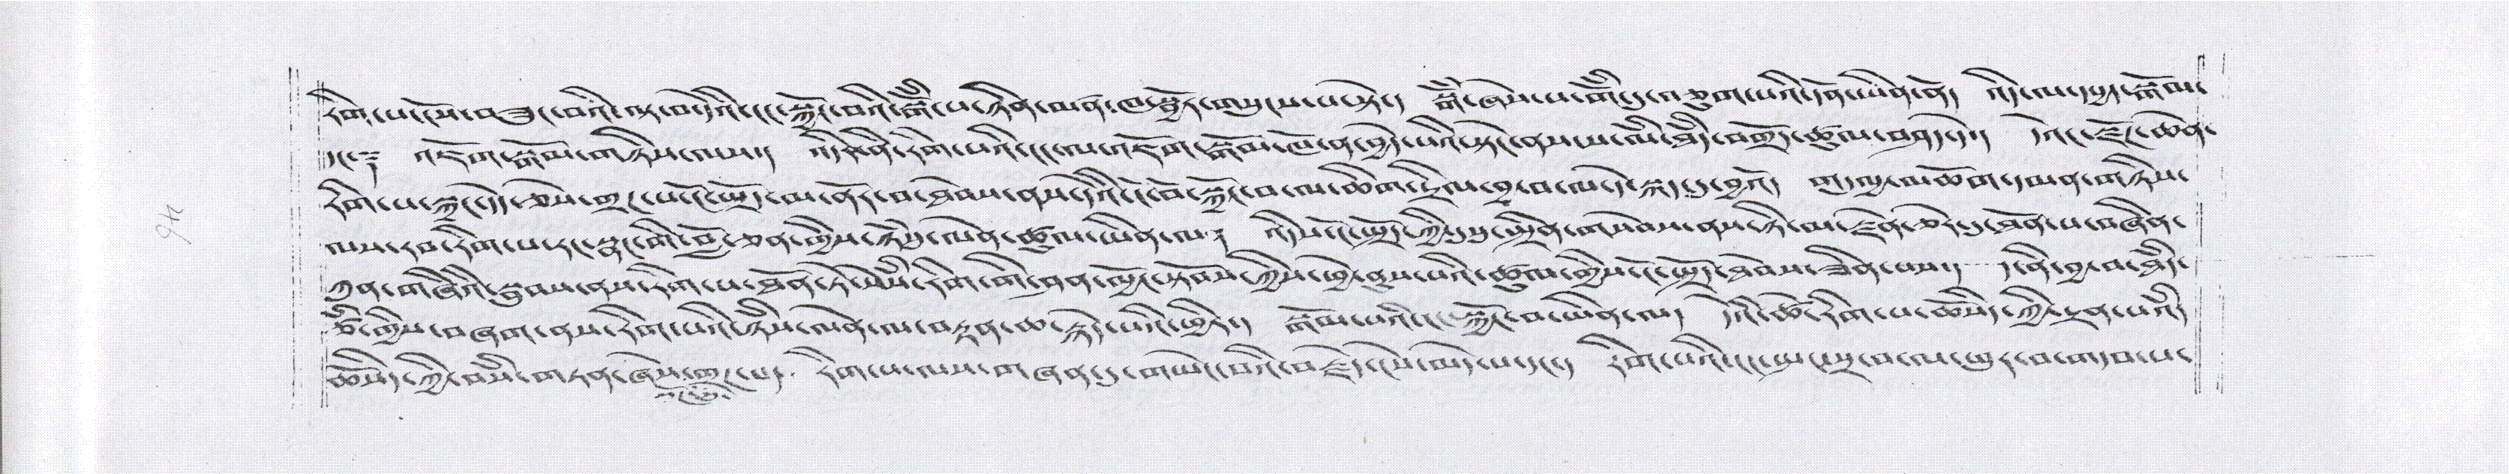རིག་པ་ངོས་བཟུང་བའི་ལྟ་བ་དེའི་ངང་སྐྱོང་བའི་སྒོམ་པ་ཉིན་མཚན་ཁ་སྦྱོར་གསུངས་པ་སྟེ། སྒོམ་ཞེས་པ་གོམས་དུ་བཅུག་པའི་དོན་ཡིན་ནོ། འདི་ལ་དཔྱད་སྒོམ་
དང་། འཇོག་སྒོམ་གཉིས་ལས་འདིར་ནི་རིག་པའི་ངང་ལ་འཇོག་སྒོམ་ཁོ་ན་བྱེད་པའི་སྟེང་ནས་ས་ལམ་ཐམས་ཅད་བསྒྲོད་ཚུལ་བཤད་དེ། དེའང་རྫོགས་ཆེན་
རིག་པ་རྐྱང་དེད་ཅེས་གྲགས་པ་ངོ་སྤྲོད་མ་ནོར་བ་ཐེབས་ནས་དེའི་ངོ་བོ་སྐྱོང་བ་ལ་ཆིག་སྒྲིལ་བྱ་བ་ལ་དེ་སྐད་དུ་བྱའོ། གདུལ་བྱ་མཆོག་དམན་གཉིས་
ལས་རབ་རིག་པ་རང་སྣང་གི་བློ་ཅན་གྱིས་ཉམས་སུ་ལེན་ཚུལ་ཡིན་ལ། འདིས་ངོ་སྤྲོད་ཀྱི་དུས་སུ་སྤྲིན་གསེབ་ནས་ཉི་མ་རྗེན་གཅེར་དུ་ཐོན་པ་བཞིན་
ཀུན་གཞིའི་སྦུབས་ནས་རིག་པ་ཐོན་ཏེ་སེམས་རིག་གི་ཤན་མྱོང་སྟོབས་ཀྱིས་ཕྱེ་ནུས་པའི་ཚུལ་གྱིས་ངོ་སྤྲོད་ཐེབས་ཟིན་པས། ད་ནི་བྱ་བ་ཐམས་ཅད་
ཅམ་གྱིས་བཞག་ནས་རིག་པའི་ཉམས་ལེན་ལ་བརྟན་ཆ་རྙེད་པའི་ཕྱིར། སྒོམ་པའི་ངང་སྐྱོང་བ་ཡིན་ལ། དེའི་ཚེ་རིག་པ་ཆོས་ཉིད་ཀྱི་དྲན་པའམ། 
ཆོས་ཉིད་ཀྱི་བསམ་གཏན་ཞེས་སོགས་སུ་གྲགས་པ། རིག་པ་ལས་གཞན་དུ་གཡེང་བའི་བརྗེད་ངས་མེད་པ་དང་། རིག་པའི་ངང་སྤང་སྲ་བ་ལ་ཕུར་པ་གདབ་པ་